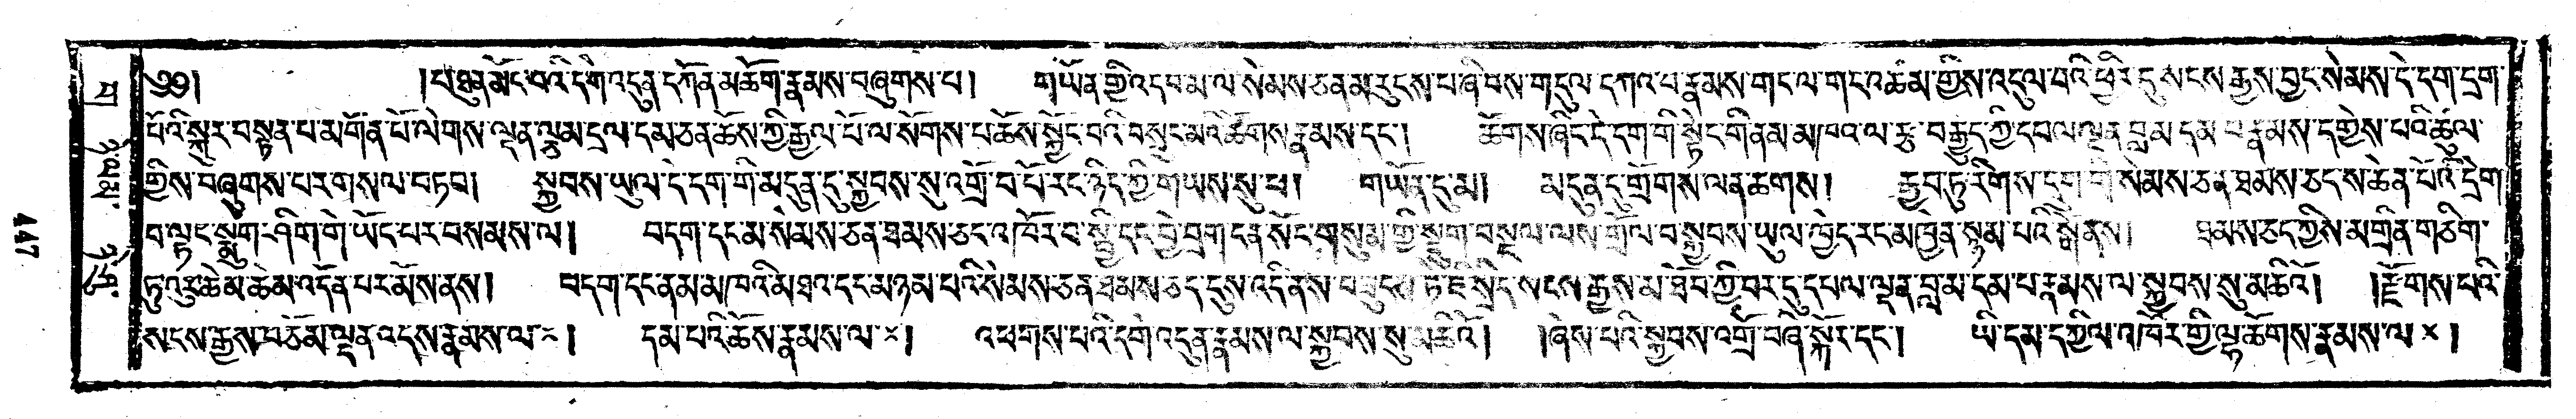༄༅། །པ་ཐུན་མོང་བའི་དགེ་འདུན་དཀོན་མཆོག་རྣམས་བཞུགས་པ། གཡོན་གྱི་འདབ་མ་ལ་སེམས་ཅན་མ་རུངས་པ་ཞི་བས་གདུལ་དཀའ་བ་རྣམས་གང་ལ་གང་འཚམ་གྱིས་འདུལ་བའི་ཕྱིར་དུ་སངས་རྒྱས་བྱང་སེམས་དེ་དག་དྲག་
པོའི་སྐུར་བསྟན་པ་མགོན་པོ་ལེགས་ལྡན་ལྕམ་དྲལ་དམ་ཅན་ཆོས་ཀྱི་རྒྱལ་པོ་ལ་སོགས་པ་ཆོས་སྐྱོང་བའི་བསྲུང་མའི་ཚོགས་རྣམས་དང་། ཚོགས་ཞིང་དེ་དག་གི་སྟེང་གི་ནམ་མཁའ་ལ་རྩ་བརྒྱད་ཀྱི་དཔལ་ལྡན་བླ་མ་དམ་པ་རྣམས་དགྱེས་པའི་ཚུལ་
གྱིས་བཞུགས་པར་གསལ་བཏབ། སྐྱབས་ཡུལ་དེ་དག་གི་མདུན་དུ་སྐྱབས་སུ་འགྲོ་བ་པོ་རང་ཉིད་ཀྱི་གཡས་སུ་ཕ། གཡོན་དུ་མ། མདུན་དུ་གྲོགས་ལན་ཆགས། རྒྱབ་ཏུ་རིགས་དྲུག་གི་སེམས་ཅན་ཐམས་ཅད་ས་ཆེན་པོའི་དྲེག་
བ་ལྟང་སྨུག་ཤིག་གེ་ཡོད་པར་བསམས་ལ། བདག་དང་མ་སེམས་ཅན་ཐམས་ཅད་འཁོར་བ་སྤྱི་དང་བྱེ་བྲག་ངན་སོང་གསུམ་གྱི་སྡུག་བསྔལ་ལས་གྲོལ་བ་སྐྱབས་ཡུལ་ཁྱེད་རང་མཁྱེན་སྙམ་པའི་སྒོ་ནས། ཐམས་ཅད་ཀྱིས་མགྲིན་གཅིག་
ཏུ་འུར་ཆེམ་ཆེམ་འདོན་པར་མོས་ནས། བདག་དང་ནམ་མཁའི་མཐའ་དང་མཉམ་པའི་སེམས་ཅན་ཐམས་ཅད་དུས་འདི་ནས་བཟུངས་ཏེ་ཇི་སྲིད་སངས་རྒྱས་མ་ཐོབ་ཀྱི་བར་དུ་དཔལ་ལྡན་བླ་མ་དམ་པ་རྣམས་ལ་སྐྱབས་སུ་མཆིའོ། །རྫོགས་པའི་
སངས་རྒྱས་བཅོམ་ལྡན་འདས་རྣམས་ལ་྾། དམ་པའི་ཆོས་རྣམས་ལ་྾། འཕགས་པའི་དགེ་འདུན་རྣམས་ལ་སྐྱབས་སུ་མཆིའོ། །ཞེས་པའི་སྐྱབས་འགྲོ་བཞི་སྐོར་དང་། ཡི་དམ་དཀྱིལ་འཁོར་གྱི་ལྷ་ཚོགས་རྣམས་ལ་྾།